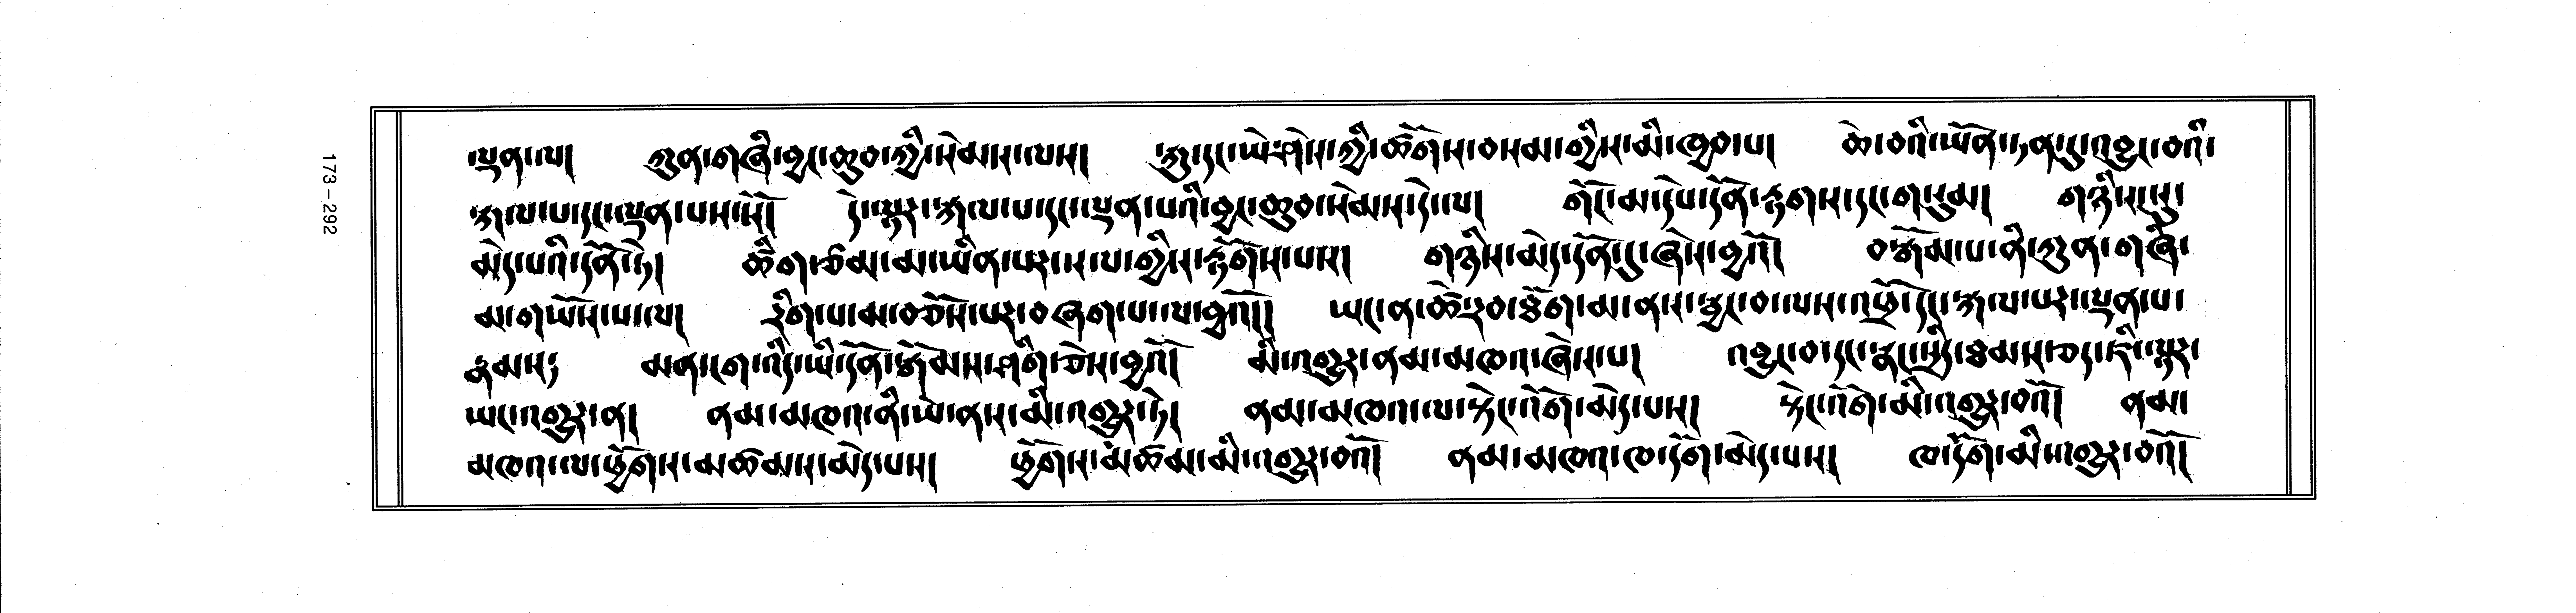ལྡན་ལ། ཀུན་གཞི་བྱང་ཆུབ་ཀྱི་སེམས་ལས། སྐུ་དང་ཡེ་ཤེས་ཀྱི་ཚོགས་བསམ་གྱིས་མི་ཁྱབ་པ། ཆེ་བའི་ཡོན་ཏན་དུ་འབྱུང་བའི་
སྐལ་པ་དང་ལྡན་པས་སོ། །དེ་ལྟར་སྐལ་པ་དང་ལྡན་པའི་བྱང་ཆུབ་ཀྱི་སེམས་དེ་ལ། གོང་མ་དཔེ་དོན་རྟགས་དང་གསུམ། གཉིས་སུ་
མེད་པའི་དོན་དེ། ཚིག་ཙམ་མ་ཡིན་པར་སལ་གྱིས་རྟོགས་པས། གཉིས་མེད་ཀྱི་དོན་དུ་ཞེས་བྱའོ། །སྒོམ་པ་ནི་ཀུན་གཞི་
མ་གཡོས་པ་ལ། རིག་པ་མ་བཅོས་པར་བཞག་པ་ལ་བྱའོ། །ཡང་ན་ཚེ་རབས་ཐོག་མ་ནས་སྦྱང་བ་ལས་འཕྲོ་དང་སྐལ་པ་དང་ལྡན་པ་
རྣམས། མན་ངག་འདི་ཡི་དོན་སྒོམས་ཤིག་ཅེས་བྱའོ། །མི་འགྱུར་ནམ་མཁའ་ཞེས་པ། འབྱུང་བ་དང་སྣང་སྲིད་ཐམས་ཅད་ཇི་ལྟར་
ཡང་འགྱུར་ན། ནམ་མཁའ་ནི་ཡེ་ནས་མི་འགྱུར་ཏེ། ནམ་མཁའ་ལ་སྟེང་འོག་མེད་པས། སྟེང་འོག་མི་འགྱུར་བའོ། །ནམ་
མཁའ་ལ་ཕྱོགས་མཚམས་མེད་པས། ཕྱོགས་མཚམས་མི་འགྱུར་བའོ། །ནམ་མཁའ་ལ་ཁ་དོག་མེད་པས། ཁ་དོག་མི་འགྱུར་བའོ། །